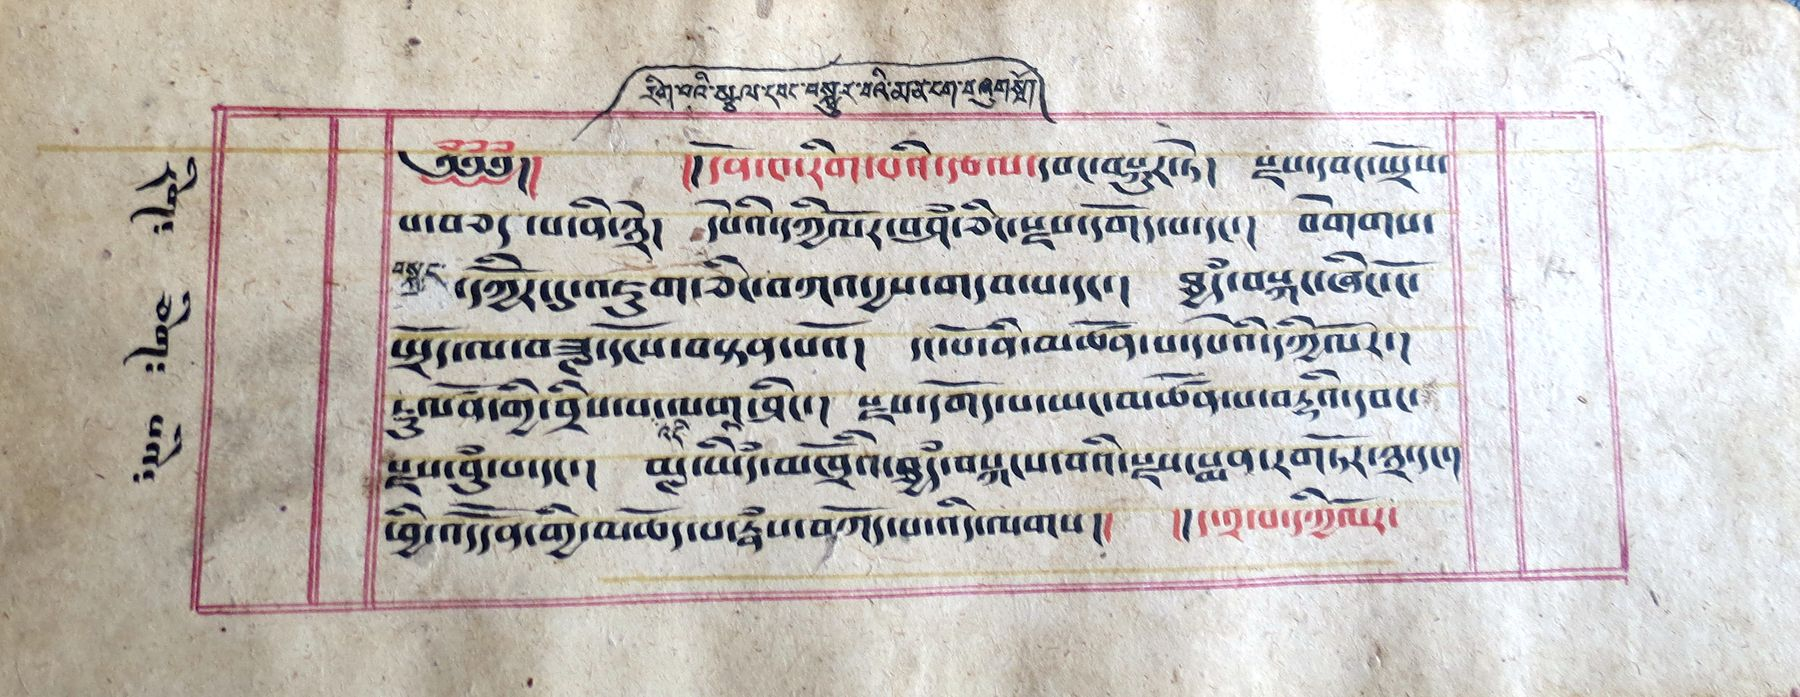༼རིག་པའི་རྩལ་དབང་བསྐུར་བའི་མན་ངག་བཞུགས་སོ། །༽༄༅།། །།དོན་དང་པོ་རིག་པའི་རྩལ་དབང་བསྐུར་ཏེ། རྫས་དབང་སྤྲོས་
པ་བཅད་པ་ནི་གསུམ་ཏེ། དཔེའི་དཀྱིལ་འཁོར་བཤམས་ཤིང་རྫས་དགོད་པ་དང་། བགེགས་
བསྐྲད་དཀྱིལ་འཁོར་དུ་འཇུག་ཅིང་བཀའ་རྒྱས་གདབ་པ་དང་། ཐུགས་དམ་བསྐང་ཞིང་ངོ་
སྤྲོད་ལ་བཟླ་དངོས་བསྟན་པའོ། །དང་པོ་ནི་མཚོན་པ་དཔེ་ཡི་དཀྱིལ་འཁོར། 
རྡུལ་མཚོན་གྱིས་བྲིས་པ་འདི་ལགས་ཤིང་། རྫས་དགོད་པ་ཡང་མཚོན་པ་བརྡ་ཡི་དབང་
རྫས་བུམ་པ་དང་། བླ་མ་ཡི་དམ་མཁའ་འགྲོ་ཐུགས་དམ་བསྐང་བའི་རྫས་སྨན་རག་གཏོར་གསུམ་དང་། 
ཕྱི་འདོད་ཡོན་གྱི་མཆོད་པ་རྣམས་བཀོད་པ་འདི་ལགས། ད་གཉིས་པ་དཀྱིལ་འཁོར་